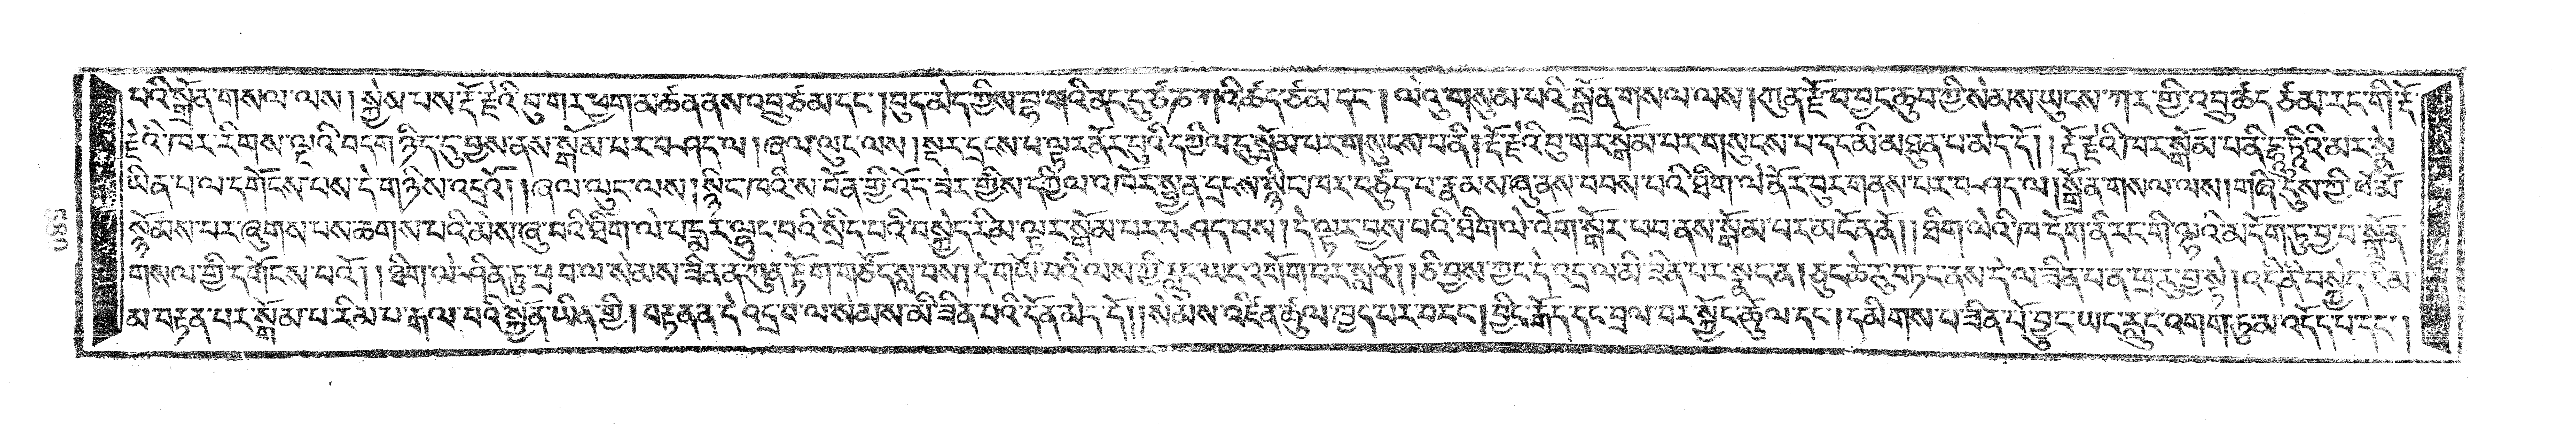པའི་སྒྲོན་གསལ་ལས། སྐྱེས་པས་རྡོ་རྗེའི་བུ་གར་ཕྱག་མཚན་ནས་འབྲུ་ཙམ་དང་། བུད་མེད་ཀྱིས་བྷ་གའི་ནང་དུ་ཙ་ཎ་ཀའི་ཚད་ཙམ་དང་། ལེའུ་གསུམ་པའི་སྒྲོན་གསལ་ལས། ཀུན་རྫོབ་བྱང་ཆུབ་ཀྱི་སེམས་ཡུངས་ཀར་གྱི་འབྲུ་ཚད་ཙམ་རང་གི་རྡོ་
རྗེའི་ཁར་རིགས་ལྔའི་བདག་ཉིད་དུ་བྱས་ནས་སྒོམ་པར་བཤད་ལ། ཞལ་ལུང་ལས། སྔར་དྲངས་པ་ལྟར་ནོར་བུའི་དཀྱིལ་དུ་སྒོམ་པར་གསུངས་པ་ནི། རྡོ་རྗེའི་བུ་གར་སྒོམ་པར་གསུངས་པ་དང་མི་མཐུན་པ་མེད་དོ། །རྡོ་རྗེའི་ཁར་སྒོམ་པ་ནི་དྷཱུ་ཏཱིའི་མར་སྣེ་
ཡིན་པ་ལ་དགོངས་པས་དེ་གཉིས་འདྲའོ། །ཞལ་ལུང་ལས། སྙིང་ཁའི་ས་བོན་གྱི་འོད་གསལ་གྱིས་དཀྱིལ་འཁོར་སྤྱན་དྲངས་སྙིང་ཁར་བཅུད་པ་རྣམས་ཞུ་ནས་བབས་པའི་ཐིག་ལེ་ནོར་བུར་གནས་པར་བཤད་ལ། སྒྲོན་གསལ་ལས། གཞི་དུས་ཀྱི་ཕོ་མོ་
སྙོམས་པར་ཞུགས་པས་ཆགས་པའི་མེས་ཞུ་བའི་ཐིག་ལེ་པདམར་ལྷུང་བའི་སྲིད་པའི་བསྐྱེད་རིམ་ལྟར་སྒོམ་པར་བཤད་པས། དེ་ལྟར་བྱས་པའི་ཐིག་ལེ་འོག་སྐོར་ཕབ་ནས་སྒོམ་པར་མངོན་ནོ། །ཐིག་ལེའི་ཁ་དོག་ནི་རང་གི་ལྷའི་མདོག་ཏུ་བྱ་བ་སྒྲོན་
གསལ་གྱི་དགོངས་པའོ། །ཐིག་ལེ་ཤིན་ཏུ་ཕྲ་བ་ལ་སེམས་ཟིན་ན་ཀུན་རྟོག་གཅོད་སླ་བས། དེ་གཡོ་བའི་ལས་ཀྱི་རླུང་ཡང་འགོག་པར་སླའོ། །ཅི་བྱས་ཀྱང་དེ་འདྲ་མི་ཟིན་པར་སྣང་ན། ཅུང་ཆེ་རུ་བཏང་ནས་དེ་ལ་ཟིན་པ་ན་ཕྲ་རུ་བྱ་སྟེ། འདི་ནི་བསྐྱེད་རིམ་
མ་བརྟན་པར་སྒོམ་པ་རིམ་པ་རྒལ་བའི་སྐྱོན་ཡིན་གྱི། བརྟན་ན་དེ་འདྲ་བ་ལ་སེམས་མི་ཟིན་པའི་དོན་མེད་དོ། །སེམས་འཛིན་ཚུལ་ཁྱད་པར་བ་དང་། བྱིང་རྒོད་དང་བྲལ་བར་སྐྱོང་ཚུལ་དང་། དམིགས་པ་ཟིན་པོ་བྱུང་ཡང་རླུང་འགག་ཏུ་མ་འདོད་པ་དང་།